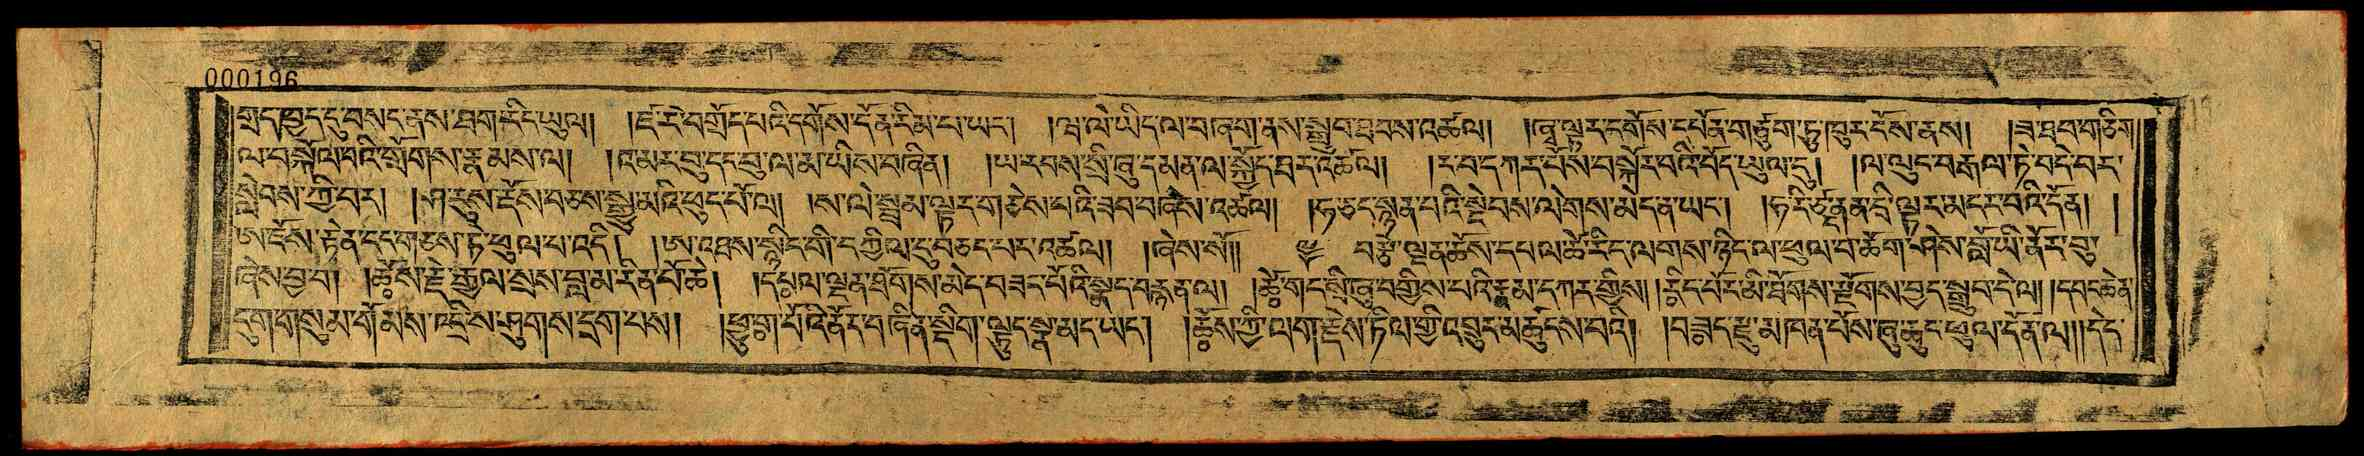གྲང་ཁྱད་དུ་བསད་ནས་ཐག་རིང་ཡུལ། །ཛ་རེ་བགྲོད་པའི་དགོས་དོན་རིམ་པ་ཡང་། །ཝ་ལ་ཡིད་ལ་བཞག་ནས་སྒྲུབ་ཐབས་འཚལ། །ཞྭ་ལྟར་དོགས་དཔོན་གཙུག་ཏུ་ཁྲུ་ངོས་ནས། །ཟུ་ཐབ་གཅིག་
ལ་བསྐོར་བའི་གྲོགས་རྣམས་ལ། །འ་མར་བུ་དང་བུ་ལ་མ་ཡིས་བཞིན། །ཡ་རབས་སྲི་ཞུ་དམན་ལ་སྐྱོང་ཐར་འཚལ། །ར་བ་དཀར་པོས་བསྐོར་བའི་བོད་ཡུལ་དུ། །ལ་ལུང་བརྒལ་ཏེ་བདེ་བར་
སླེབས་ཀྱི་ཡང་། །ཤ་རུས་རྡོས་བཅས་སྒྱུ་མའི་ཕུང་པོ་ལ། །སི་ལེ་སྦྲམ་ལྟར་གཅེས་པའི་ཟབ་བཞེས་འཚལ། །ཧ་ཅང་སྙན་པའི་སྡེབས་ལེགས་མེད་ན་ཡང་། །ཧ་རི་ཙནྡན་དྲི་ལྟར་མངར་བའི་དོན། །
ཨ་ཇོས་རྟེན་དང་བཅས་ཏེ་ཕུལ་པ་འདི། །ཨ་འཐས་སྙིང་གི་དཀྱིལ་དུ་བཅང་པར་འཚལ། །ཞེས་སོ།། ༈ བརྩེ་ལྡན་ཆོས་དཔལ་ཚེ་རིང་ལགས་ཉིད་ལ་ཕུལ་པ་ཆོག་ཤེས་བློ་ཡི་ནོར་བུ་
ཞེས་བྱ་བ། །ཆོས྾་རྗེ་རྒྱལ་སྲས་བླ་མ་རིན་པོ་ཆེ། །དཔལ྾་ལྡན་ཐོགས་མེད་བཟང་པོའི་སྣང་བརྙན་ལ། །ཚེ྾་གང་སྲི་ཞུ་བགྱིས་པའི་རྣམ་དཀར་གྱིས། །རིང྾་པོར་མི་ཐོགས་རྫོགས་བྱང་སྒྲུབ་དེ་ལ། །དཔུང་ཆེན་
དུག་གསུམ་གོམས་འདྲིས་ཤུགས་དྲག་པས། །ཕྱུག་པོའི་ནོར་བཞིན་སྡིག་ལྟུང་སྣ་མང་ཡང་། །ཆོས་ཀྱི་ལག་རྗེས་ཏིལ་གྱི་འབྲུར་མཚུངས་བའི། །བཟང྾་རྗུ་མཁན་པོས་ཞུ་ཆུང་ཕུལ་དོན་ལ། །དེང་